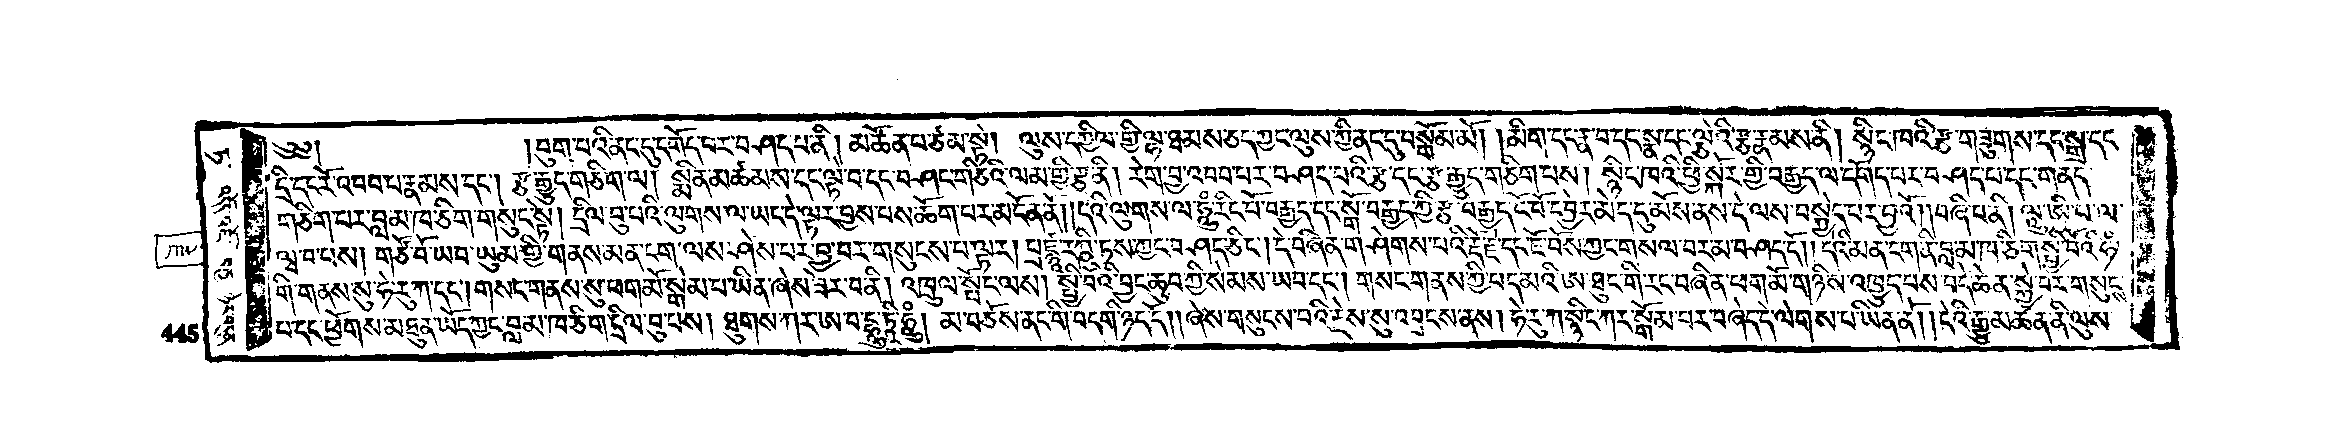༄༅། །བུག་པའི་ནང་དུ་དགོད་པར་བཤད་པ་ནི། མཚོན་པ་ཙམ་སྟེ། ལུས་དཀྱིལ་གྱི་ལྷ་ཐམས་ཅད་ཀྱང་ལུས་ཀྱི་ནང་དུ་བསྒོམ་མོ། །མིག་དང་རྣ་བ་དང་སྣ་དང་ལྕེའི་རྩ་རྣམས་ནི། སྙིང་ཁའི་རྩ་གཟུགས་དང་སྒྲ་དང་
དྲི་དང་རོ་འབབ་པ་རྣམས་དང་། རྩ་རྒྱུད་གཅིག་ལ། སྨིན་མཚམས་དང་ལྟེ་བ་དང་བཤང་གཅིའི་ལམ་གྱི་རྩ་ནི། རེག་བྱ་འབབ་པར་བཤད་པའི་རྩ་དང་རྩ་རྒྱུད་གཅིག་པས། སྙིང་ཁའི་ཕྱི་སྐོར་གྱི་བརྒྱད་ལ་དགོད་པར་བཤད་པ་དང་གནད་
གཅིག་པར་བླ་མ་ཁ་ཅིག་གསུང་སྟེ། དྲིལ་བུ་པའི་ལུགས་ལ་ཡང་དེ་ལྟར་བྱས་པས་ཆོག་པར་མངོན་ནོ། །དེའི་ལུགས་ལ་ཧཱུཾ་རིང་པོ་བརྒྱད་དང་སྒོ་བརྒྱད་ཀྱི་རྩ་བརྒྱད་ངོ་བོ་དབྱེར་མེད་དུ་མོས་ནས་དེ་ལས་བསྐྱེད་པར་བྱའོ། །བཞི་པ་ནི། ལཱུ་ཨི་པ་ལ་
ལྭ་བ་པས། གཙོ་བོ་ཡབ་ཡུམ་གྱི་གནས་མན་ངག་ལས་ཤེས་པར་བྱ་བར་གསུངས་པ་ལྟར། པྲཛྙཱ་རཀྵི་ཏས་ཀྱང་བཤད་ཅིང་། དེ་བཞིན་གཤེགས་པའི་རྡོ་རྗེ་དང་ཇོ་བོས་ཀྱང་གསལ་བར་མ་བཤད་དོ། །དེའི་མན་ངག་ནི་བླ་མ་ཁ་ཅིག་སྤྱི་བོའི་ཧཾ་
གི་གནས་སུ་ཧེ་རུ་ཀ་དང་། གསང་གནས་སུ་ཕག་མོ་སྒོམ་པ་ཡིན་ཞེས་ཟེར་བ་ནི། འཁྲུལ་སྤོང་ལས། སྤྱི་བོའི་བྱང་ཆུབ་ཀྱི་སེམས་ཡབ་དང་། གསང་གནས་ཀྱི་པད་མའི་ཨ་ཐུང་གི་རང་བཞིན་ཕག་མོ་གཉིས་འཁྱུད་པས་བདེ་ཆེན་སྐྱེ་བར་གསུངས་
པ་དང་ཕྱོགས་མཐུན་ཡོད་ཀྱང་བླ་མ་ཁ་ཅིག་དྲིལ་བུ་པས། ཐུགས་ཀར་ཨ་བ་དྷཱུ་ཏཱི་ཧཱུཾ། མ་བཅོས་ནང་གི་བདག་ཉིད་དོ། །ཞེས་གསུངས་པའི་རྗེས་སུ་འབྲངས་ནས། ཧེ་རུ་ཀ་སྙིང་ཀར་སྒོམ་པར་བཞེད་དེ་ལེགས་པ་ཡིན་ནོ། །དེའི་རྒྱུ་མཚན་ནི་ལུས་